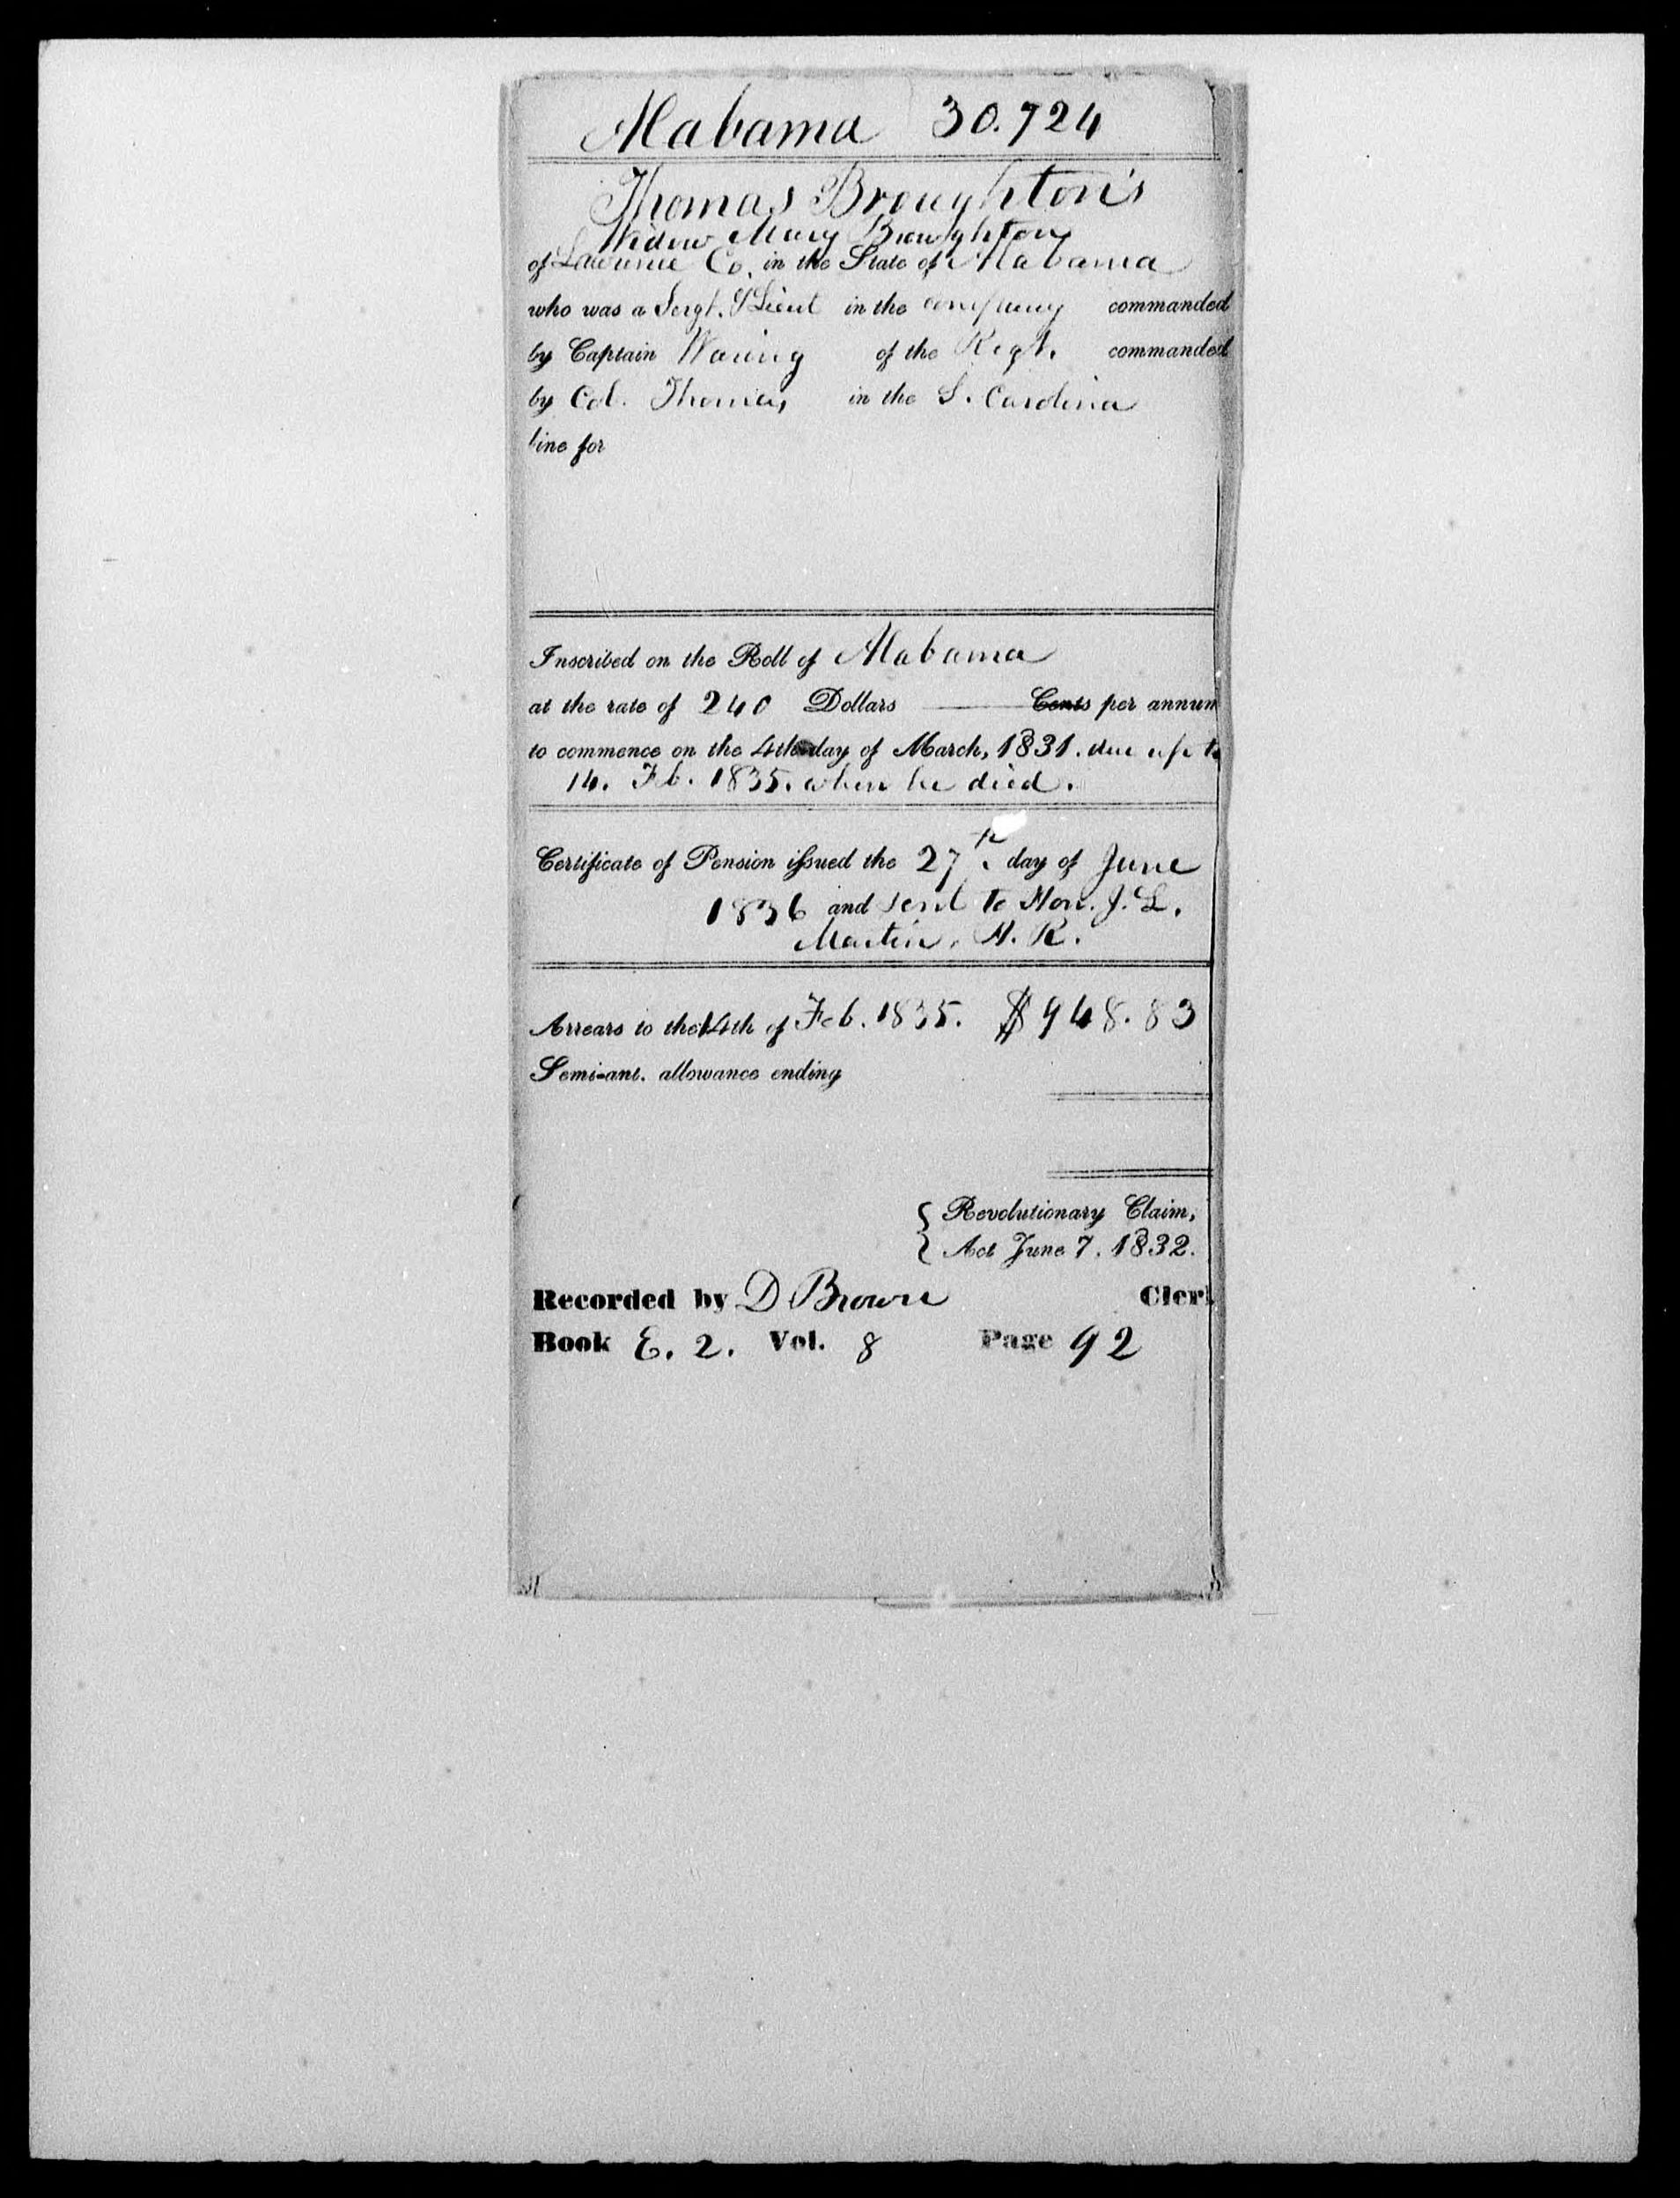Alabama 30.724
Thomas Broughton's
Widow Mary Broughton
of Lawance Co. in State of Alabama
who was a Sergt. & Lieut in the company commanded by Captain [Benjamin] Waring of the Regt. commanded by Col. [John, Jr.] Thomas in the S. Carolina line for _
Inscribed on the Roll of Alabama
at the rate of 240 Dollars   -- Cents per annum  to commence on the 4th day of March, 1831, due up to
14. Feb. 1835, when he died.
Certificate of Pension issued the 27th day of June
1836 and sent to Hon. J. L.
Martin, H. R.
Arrears to the 4th of Feb. 1835. $948.83
Revolutionary Claim Act June 7, 1832
Recorded by D Brown    Clerk.
Book E. 2. Vol.  8  Page 92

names: Mary Broughton, Thomas Broughton, D Brown, Waring, Thomas, J L Martin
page: 38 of 72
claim: widow's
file: W. 897, Thomas Broughton, S.C.